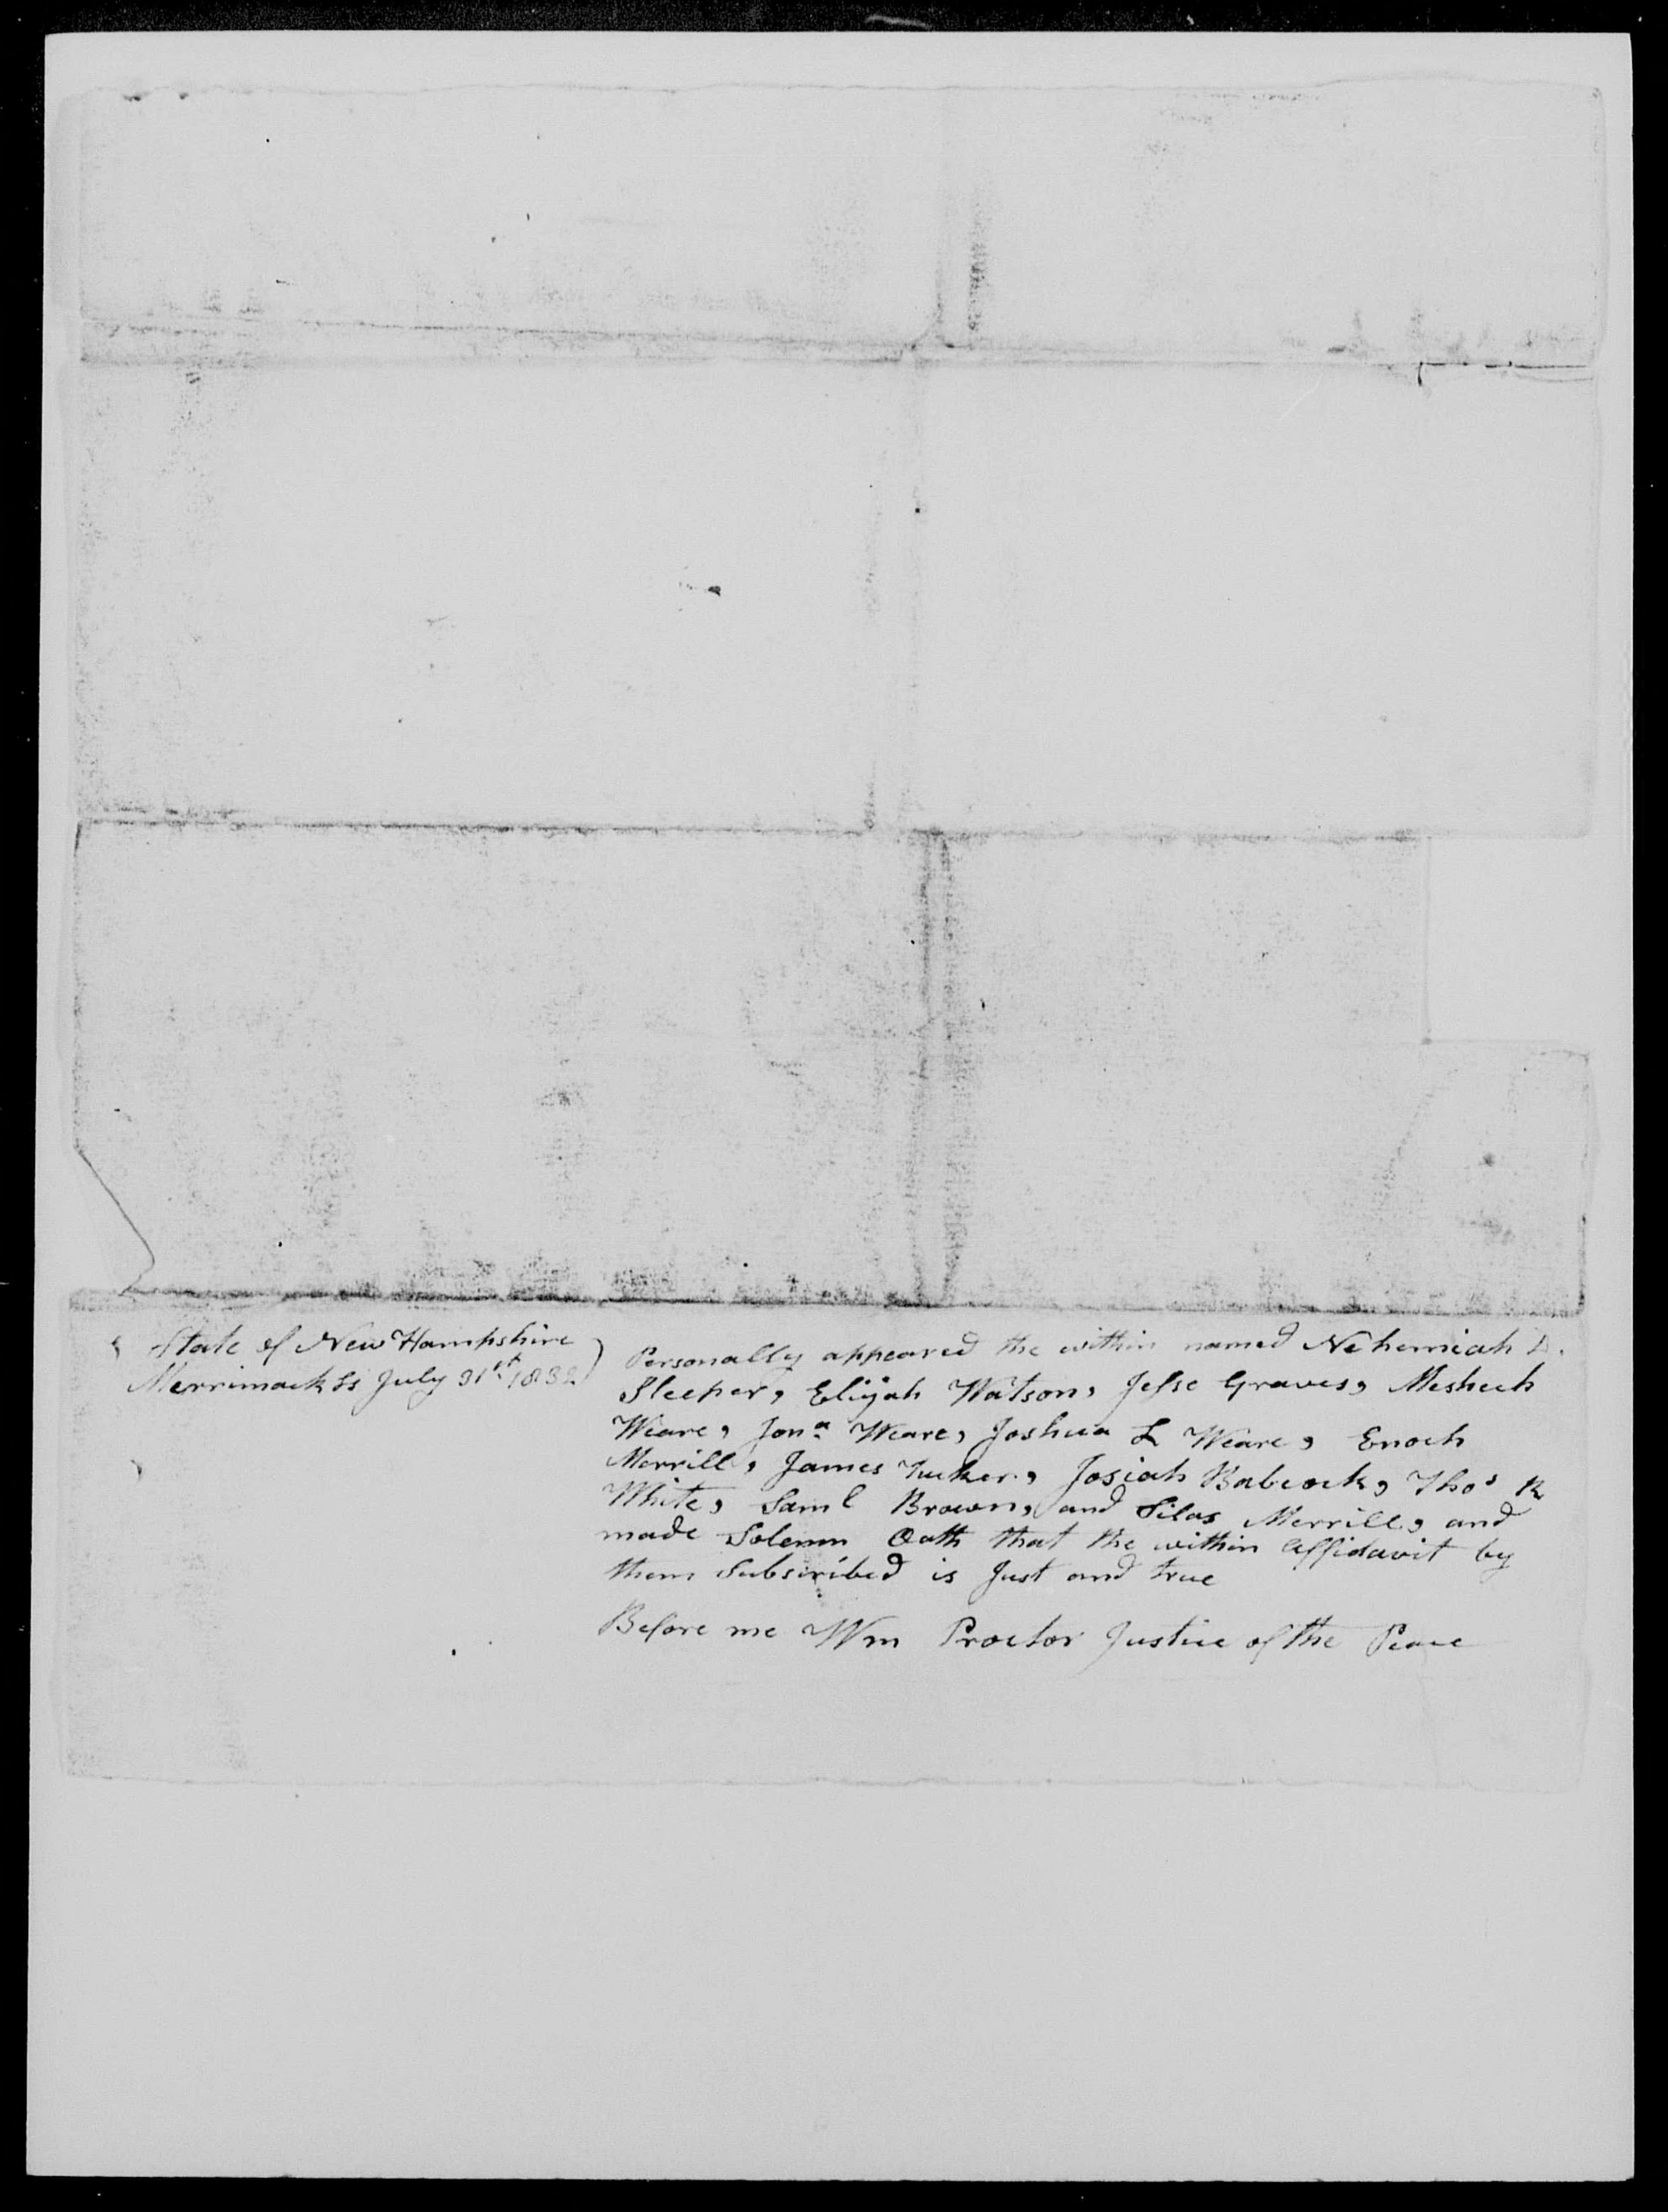State of New Hampshire
Merrimack July 31st 1832

Personally appeared the within named Nehemiah D. Sleeper, Elijah Watson, Jesse Graves, Mesheck
Weare, Jon Weare, Joshua L Weare, Enoch Merrill, James Tucker, Josiah Babcock, Thos. White, Saml Brown, and Silas Merrill, and made Solemn Oath that the within affidavit by them subscribed is just and true
Before me Wm Proctor Justice of the Peace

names: Joshua L Weare, Jesse Graves, James Tucker, Mesheck Weare, Josiah Babcock, Enoch Merrill, Nehemiah D Sleeper, Jona Weare, Thos K White, Elijah Watson, Silas Merrill, Saml Brown, Wm Proctor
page: 7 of 11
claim: survivor's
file: S. 15302, Mark Batchelder, N. H